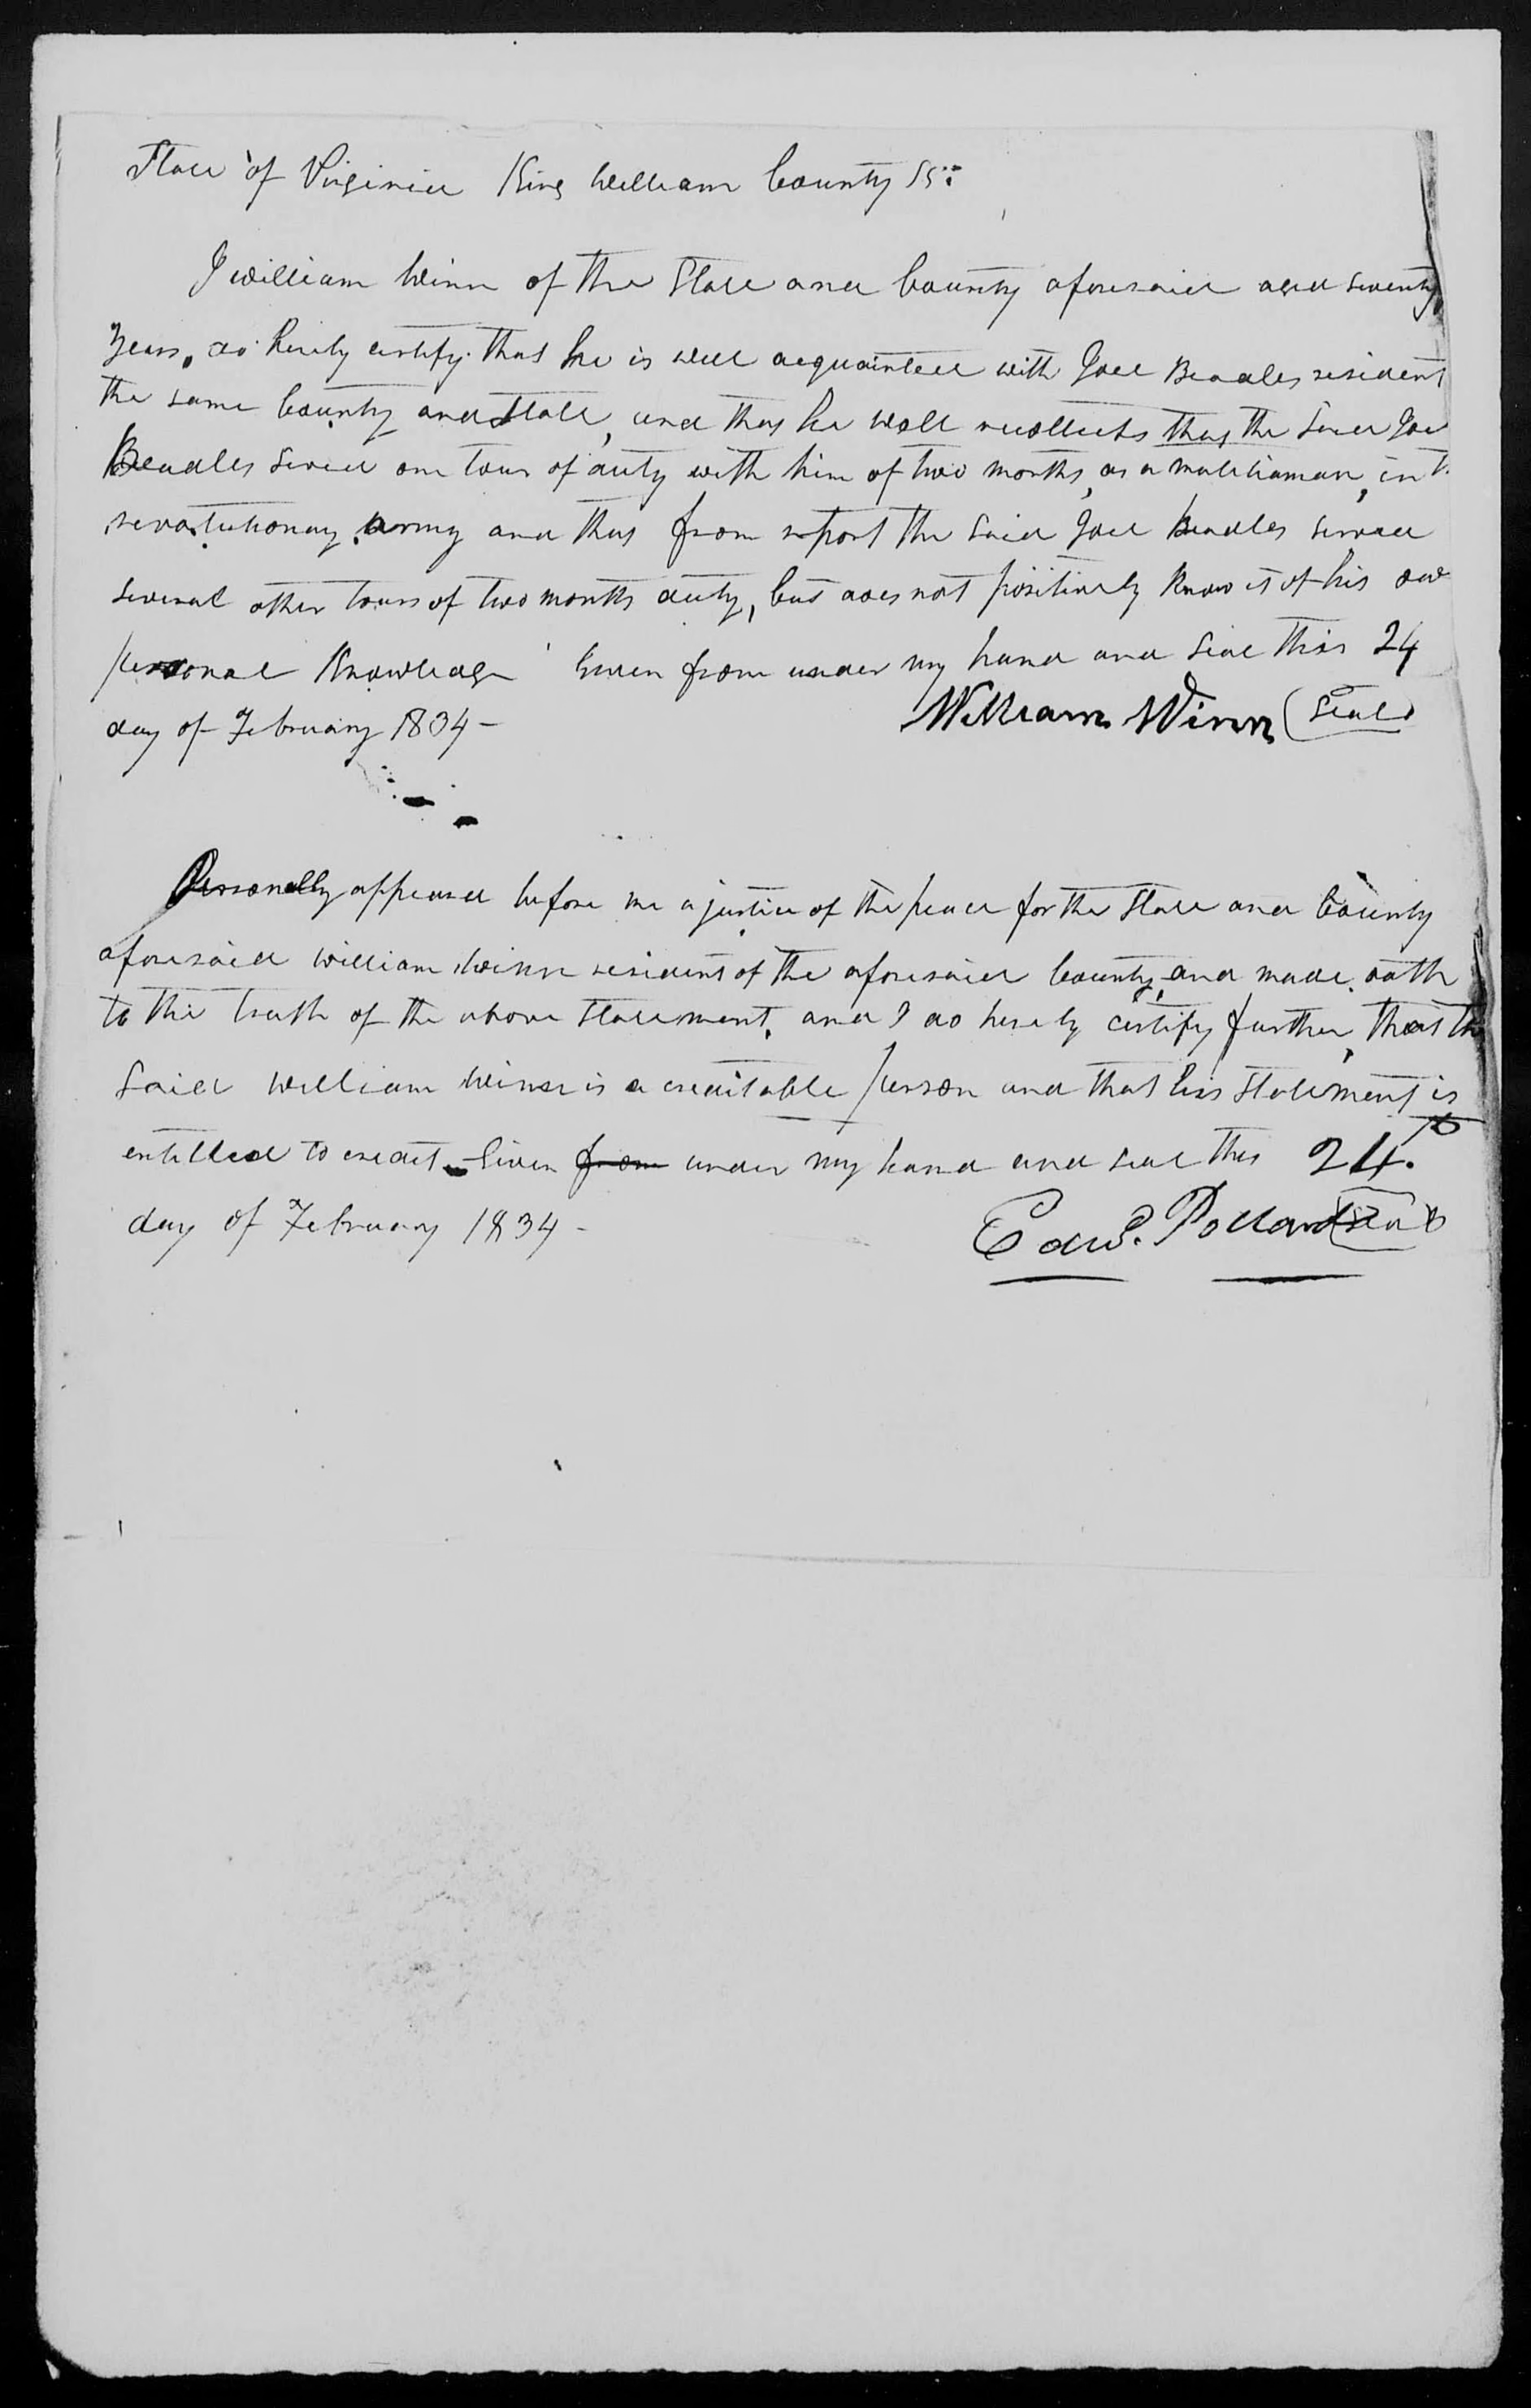State of Virginia, King William County.

I William Winn of the state and county aforesaid aged seventy years, do hereby certify that he is well acquainted with Joel Beadles resident the same county and state, and that he well recollects that the said Joel Beadles served one tour of duty with him of two months as a militiamen in the Revolutionary Army and thus from report the said Joel Beadles served several other tours of two months duty, but does not positively know it of his own personal knowledge -- from under my hand and line this 24 day of February 1834 - 
William Winn [signature and seal]

Personally appeared before me, a justice of the peace for the State and County aforesaid, William Winn, resident of the aforesaid county and made oath to the truth of the above statement, and I do hereby certify further that the said William Winn is a credible person and that his testimony is entitled to credit, given ["from" is stricken] under my hand and line this 24 day of February 1834. 
Edwd. Pollard [signature and seal]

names: Joel Beadles, Edwd Pollard, William Winn, Joel Beadles, William Winn, Joel Beadles, William Winn, William Winn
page: 11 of 13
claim: survivor's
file: S. 17841, Joel Beadles, Va.